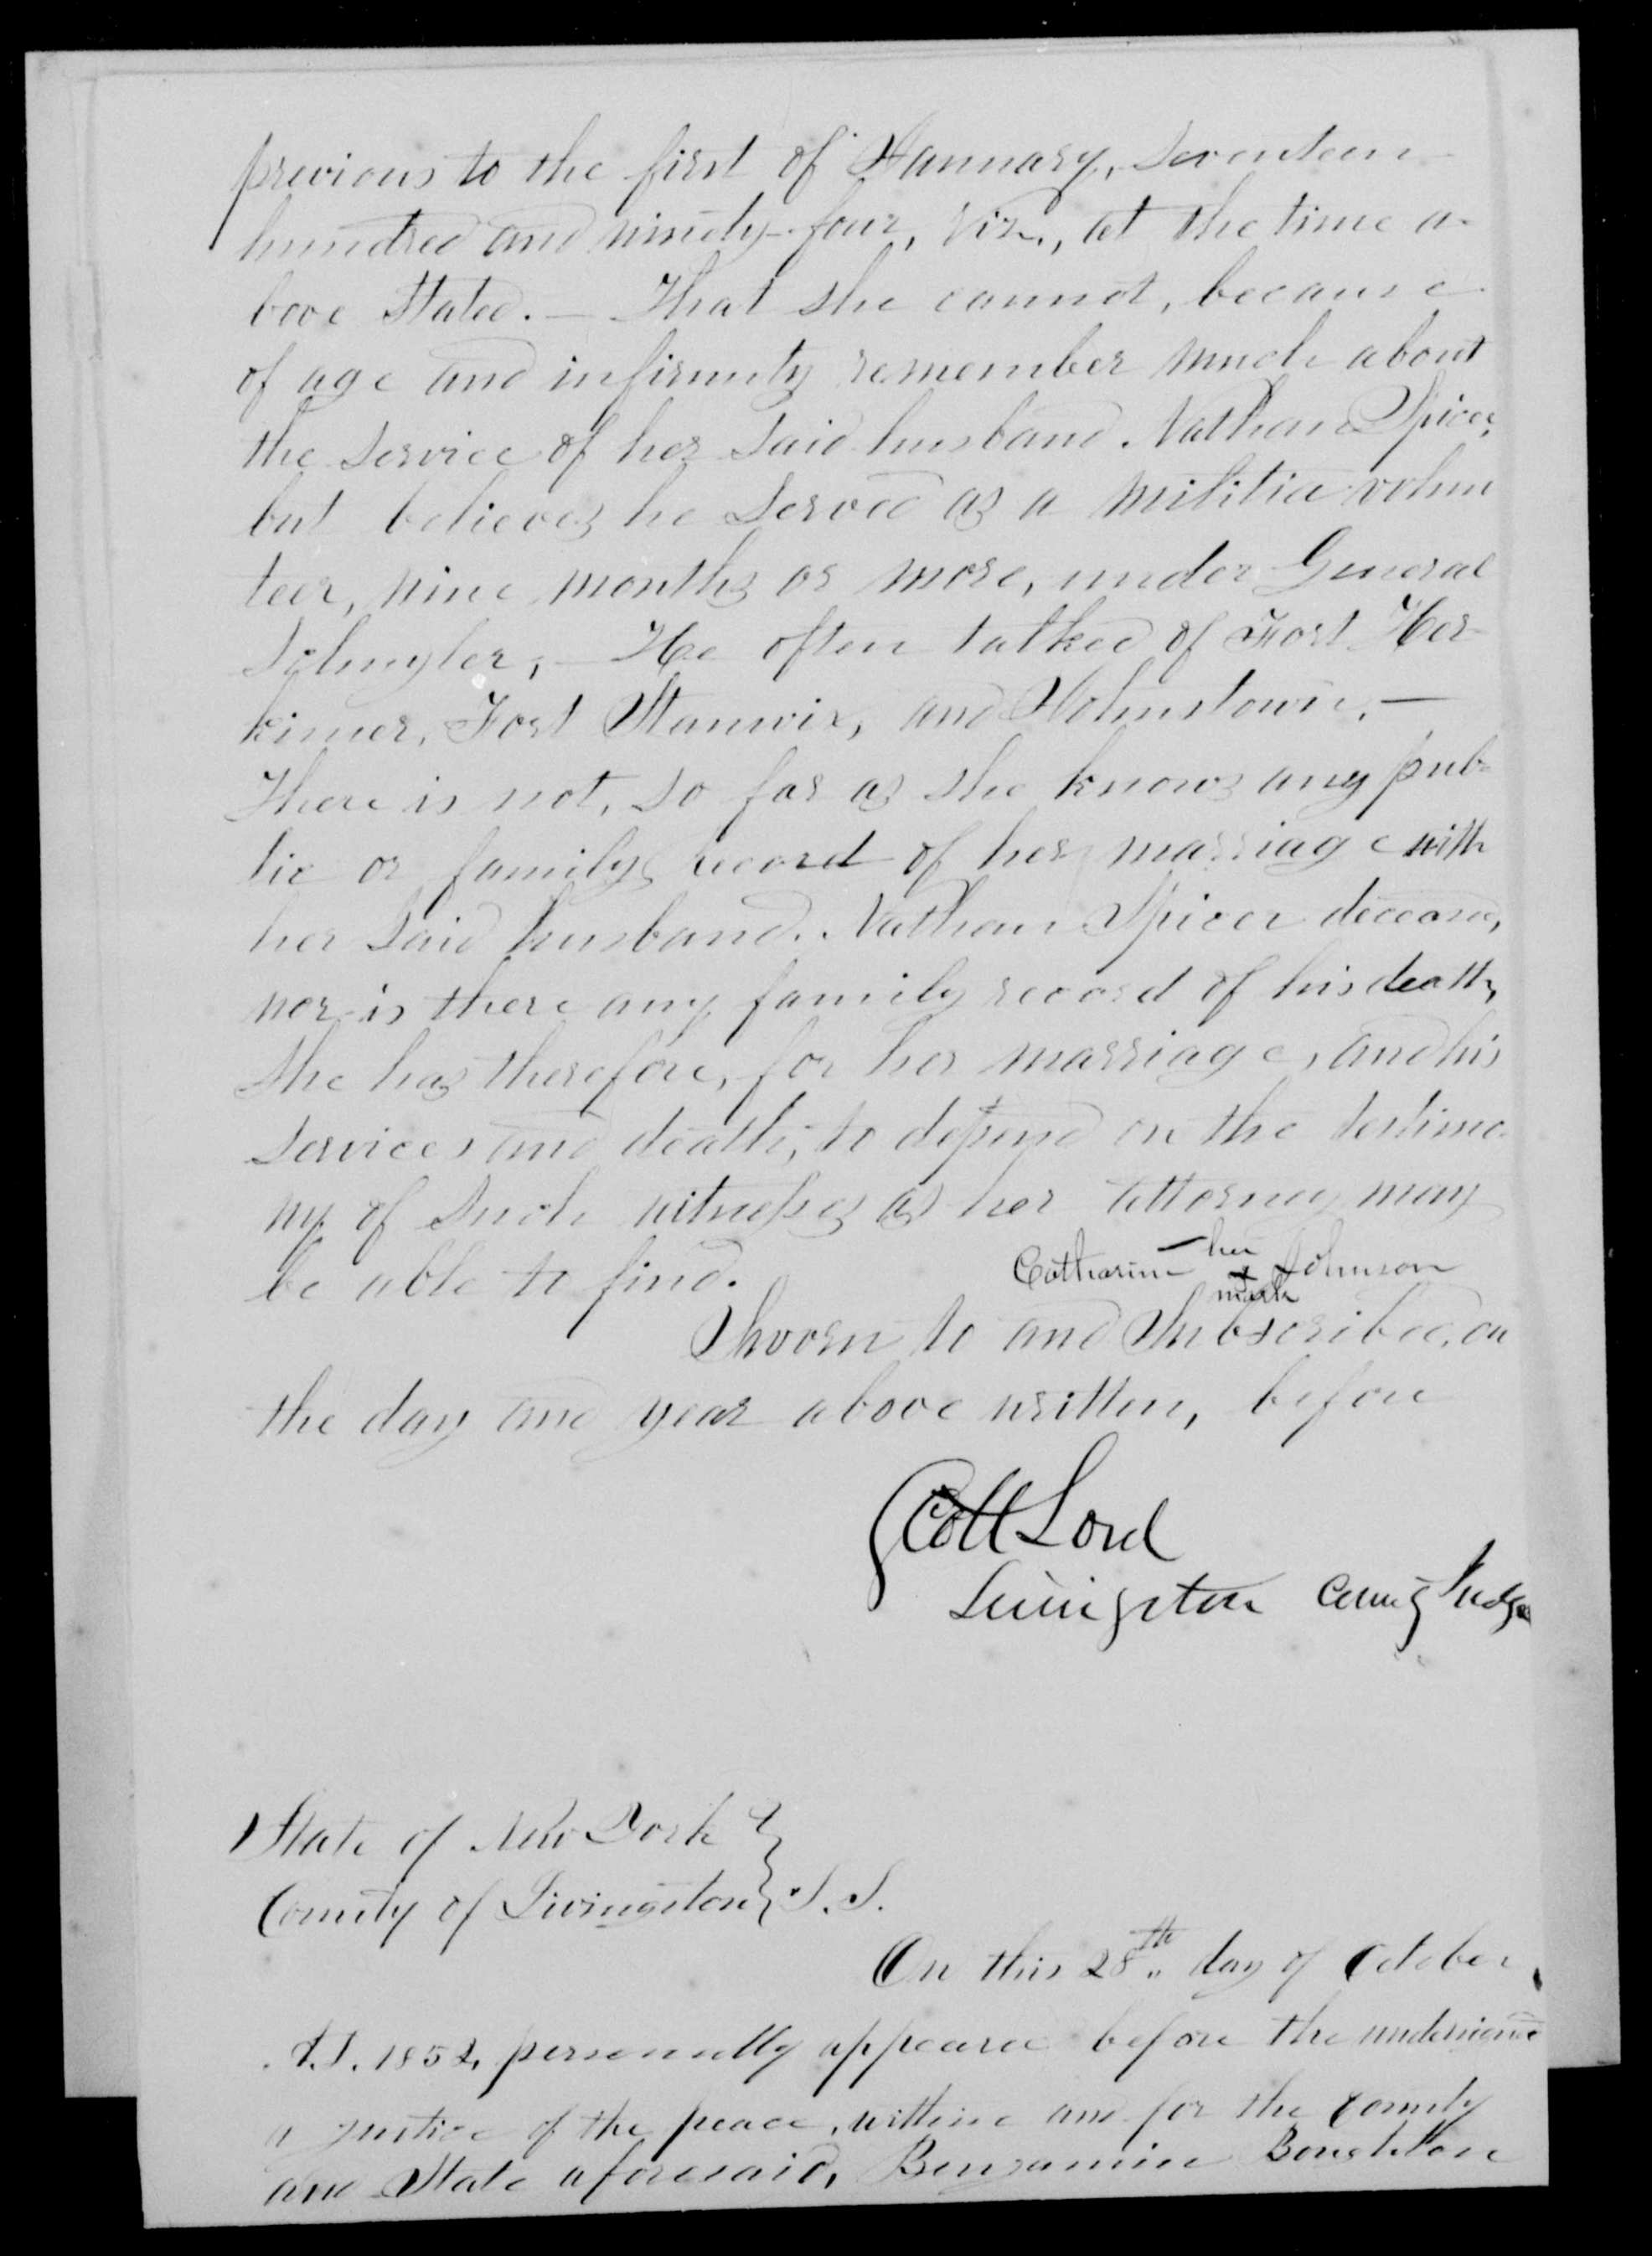previous to the first of January, seventeen hundred and ninety four, viz., at the time above stated. That she cannot, because of age and infirmity remember much about the service of her said husband, Nathan Spicer but believes he served as a militia volunteer, nine months as [illegible], under General Schuyler. He often talked of Fort Herkimer, Fort Stannix, and Johnstown. There is not, so far as she knows any public or family record of her marriage with her said husband, Nathan Spicer deceased, nor is there any family record of his death. She has therefore, for her marriage, and his service and death, to deposed on the [illegible] of such witnesses as her attorney may be able to find.
Catharine Johnson - X her mark

Sworn to and subscribed on the day and year above written, before 
Scott Lord
Livingston County Judge

State of New York, County of Livingston S.S.
On this 28th day of October A.D. 1852, personally appeared before the undersigned Justice of the Pease, within and for the county and state aforesaid. Benjamin Boughton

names: Scott Lord; [BLANK] Schuyler; Nathan Spicer; Benjamin Boughton; Nathan Spicer; Catharine Johnson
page: 4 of 33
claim: rejected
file: R. 5603, for Nathan Spicer, New York